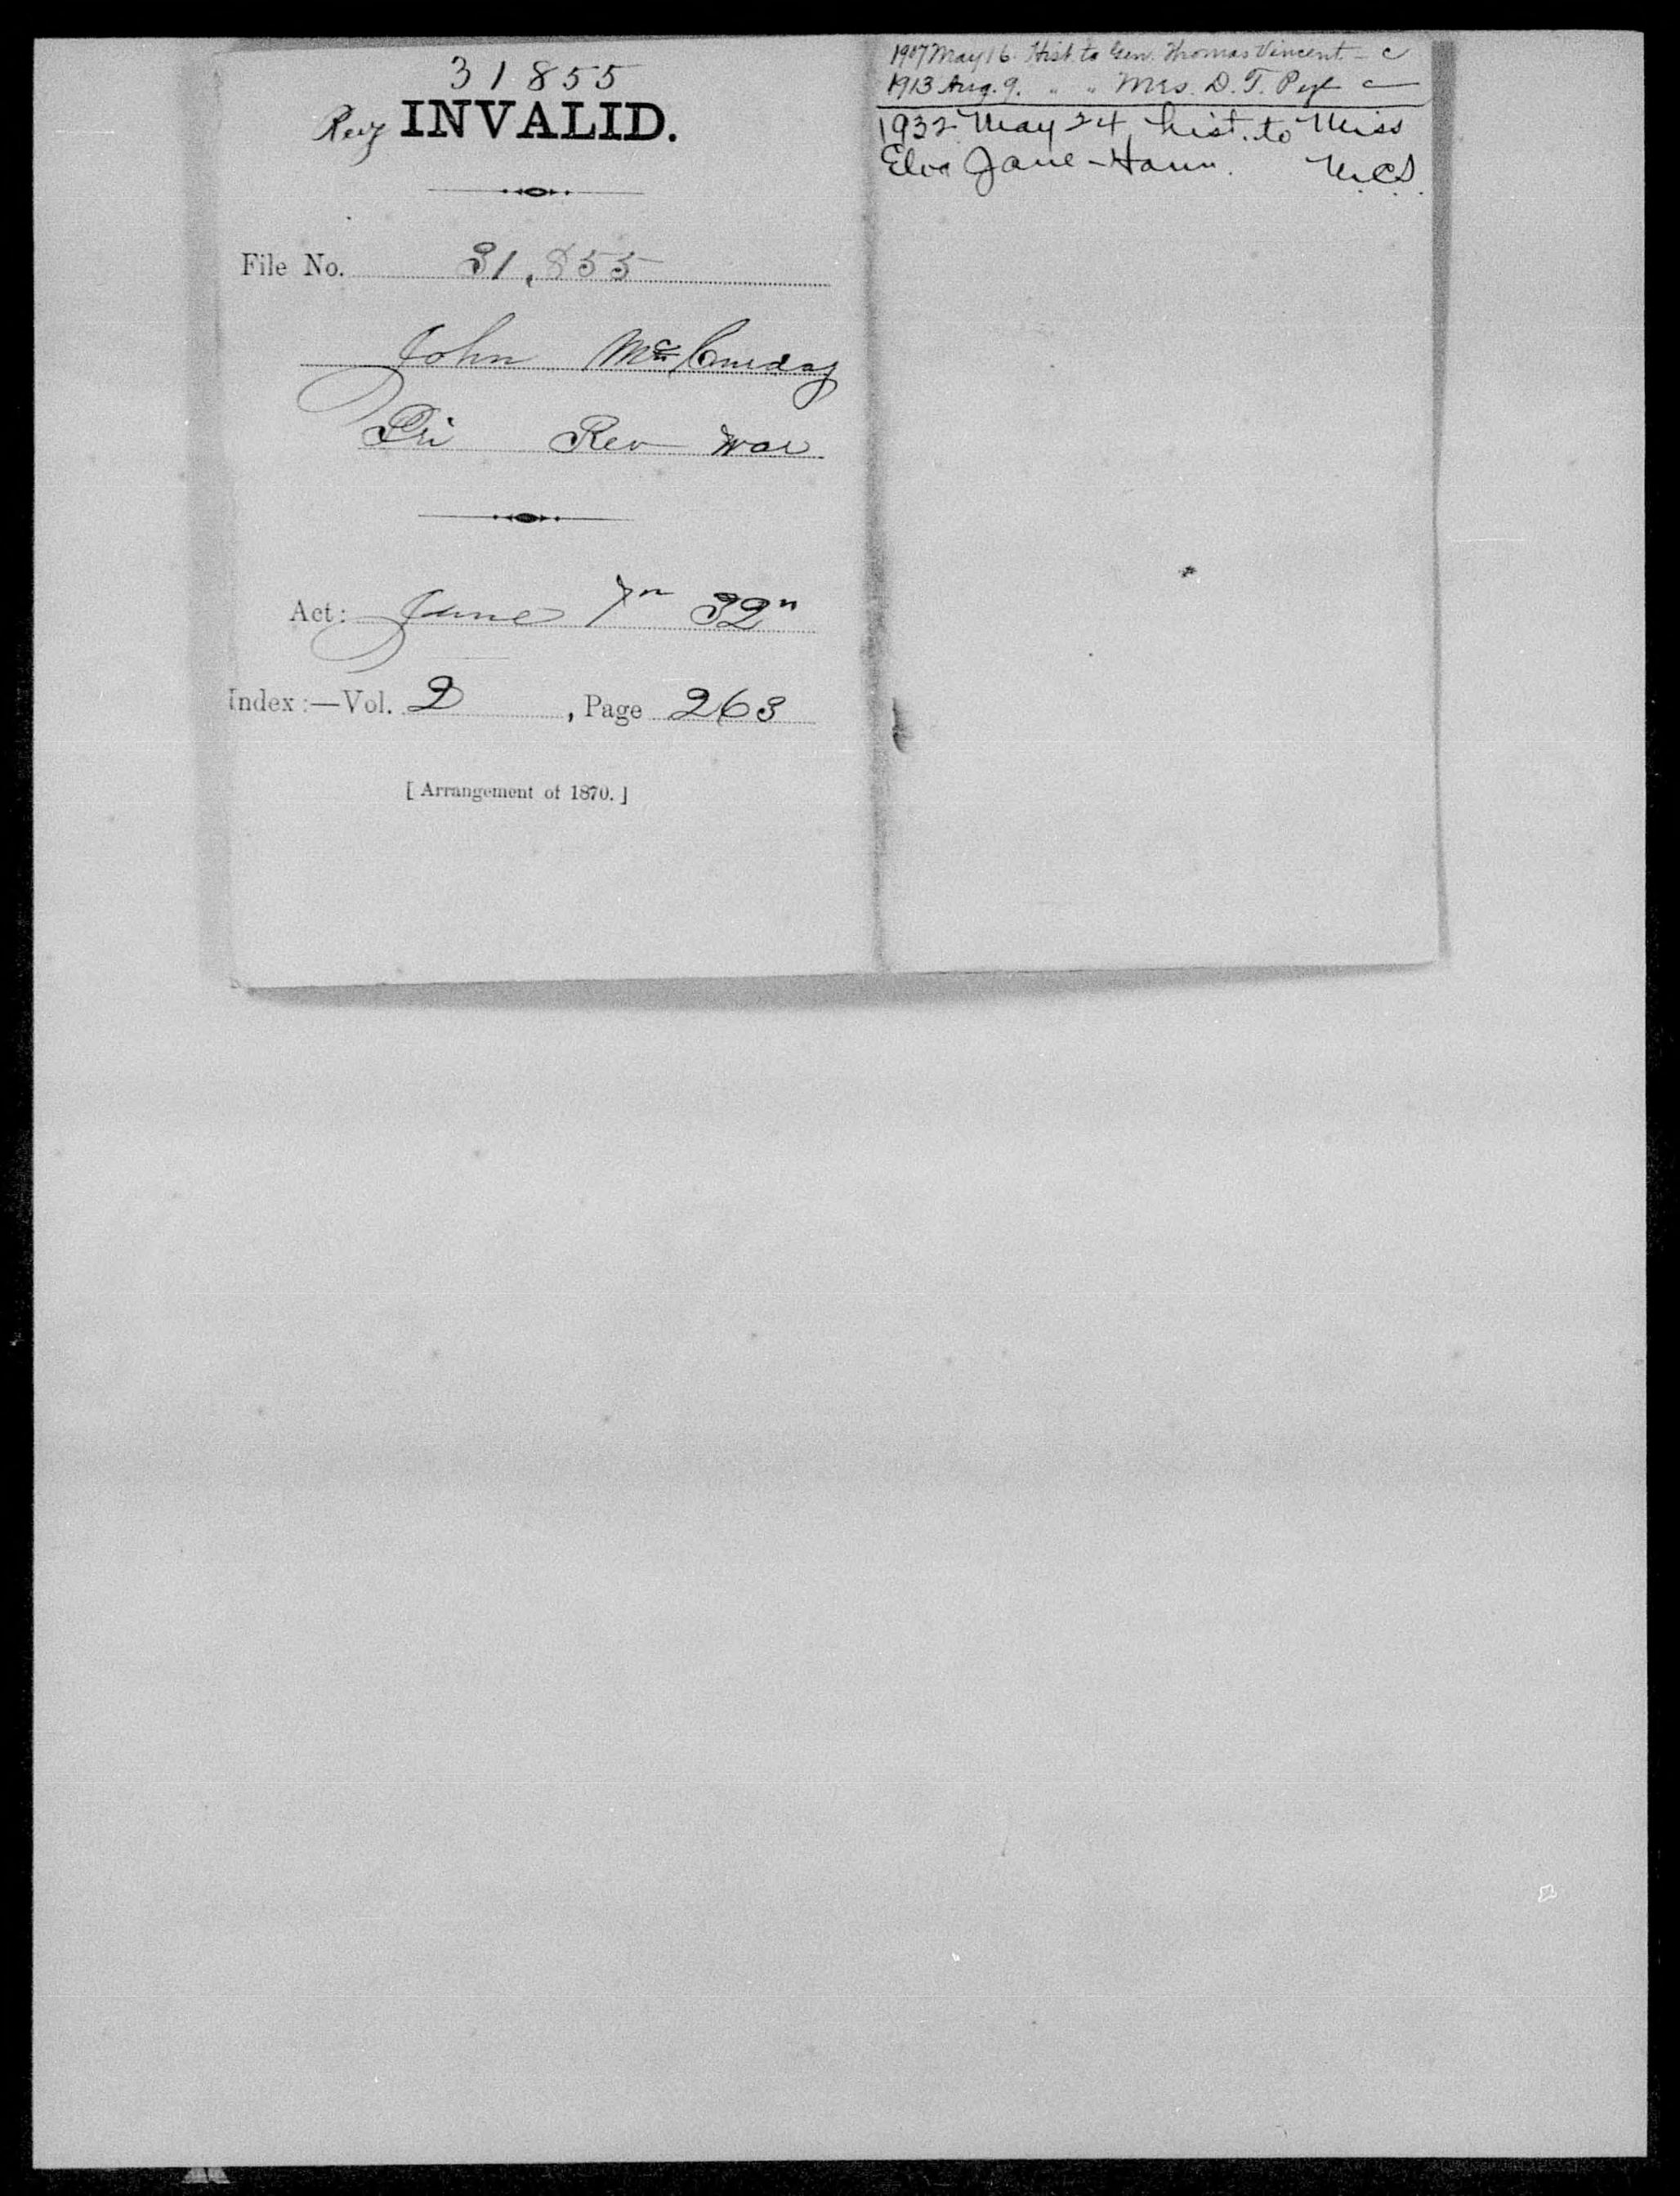31855
Reg. INVALID
---------------
File No. 31.855

John McCurday
Priv. Rev War

Act:  June 7th, 32

Index: - Vol. 2, Page 268
[Arrangement of 1870]

1907 May 16  Hist to Gen Thomas Vincent
1913 Aug 9     "     "    Mrs. D.T. Pye
_________________________________________
1932 May 24  hist to Miss Elva Jane Hann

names: D T Pye; Elva Jane Hann; Thomas Vincent; John Mc Curdy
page: 13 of 19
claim: survivor's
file: S. 31,855, for John Mc Curdy, Pennsylvania